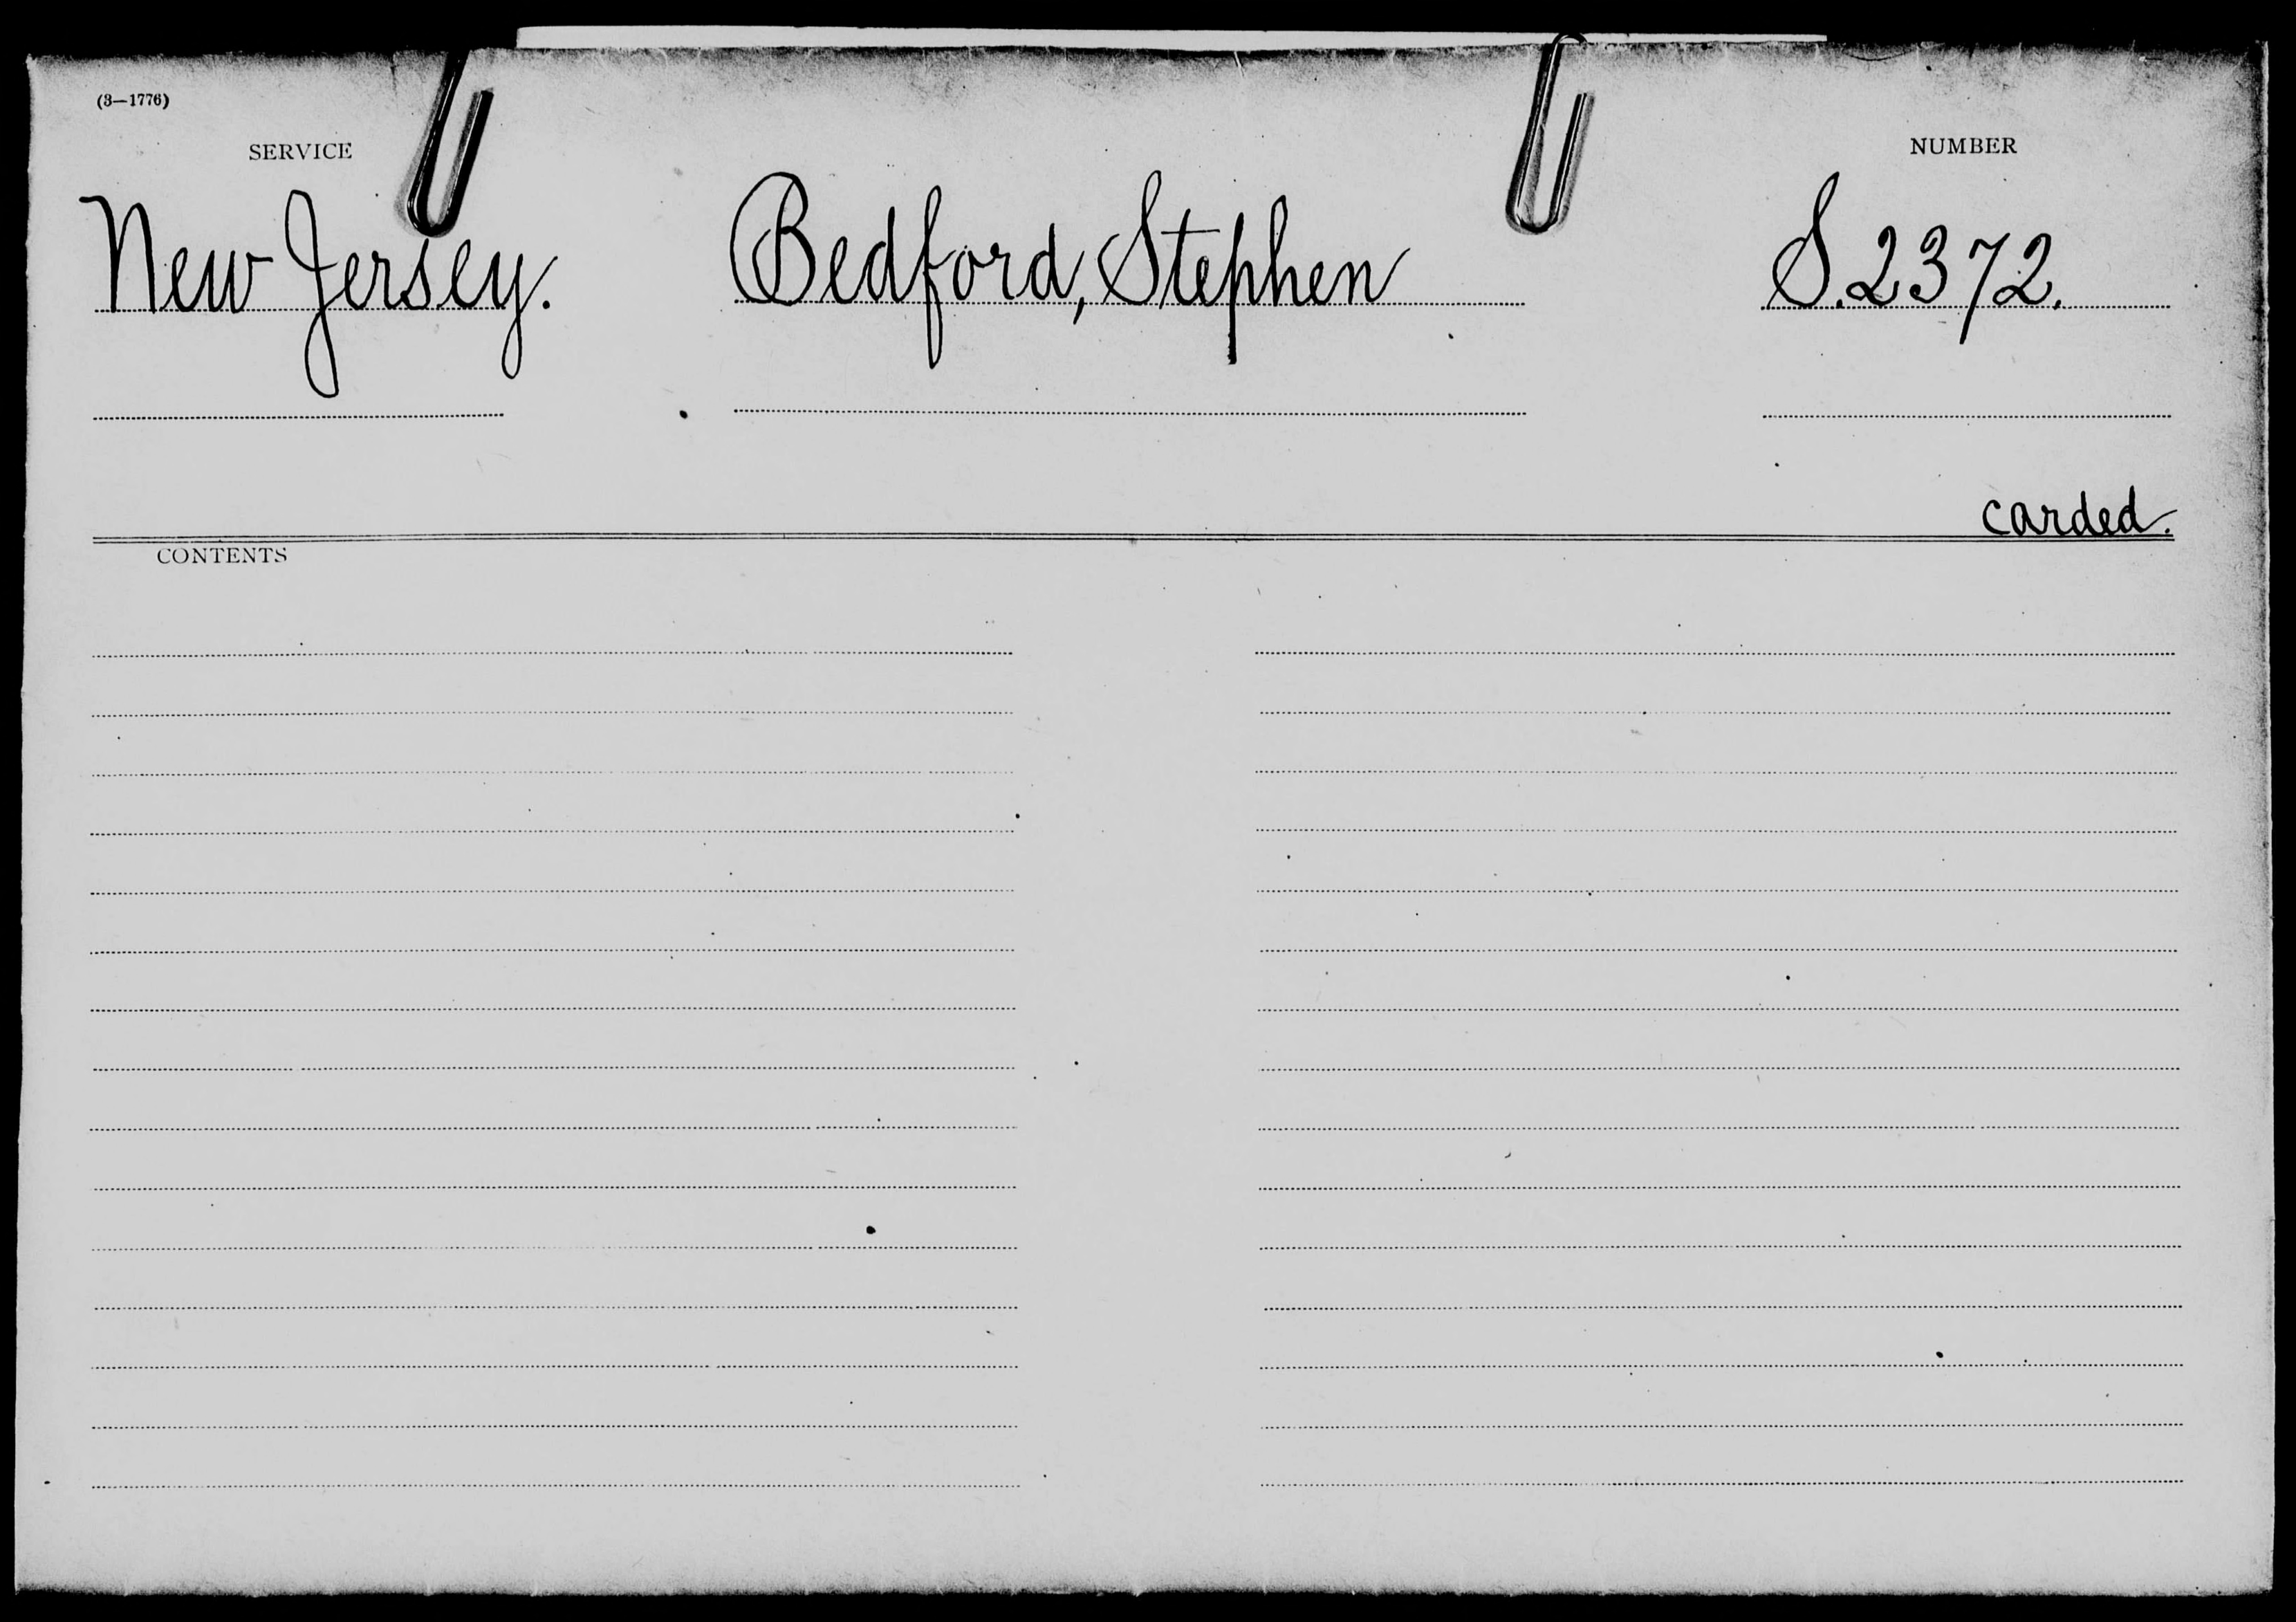Service 
New Jersey 

Bedford, Stephen 

Number S.2372
carded

Contents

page: 1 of 31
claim: survivor's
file: S. 2372, Stephen Bedford, New Jersey